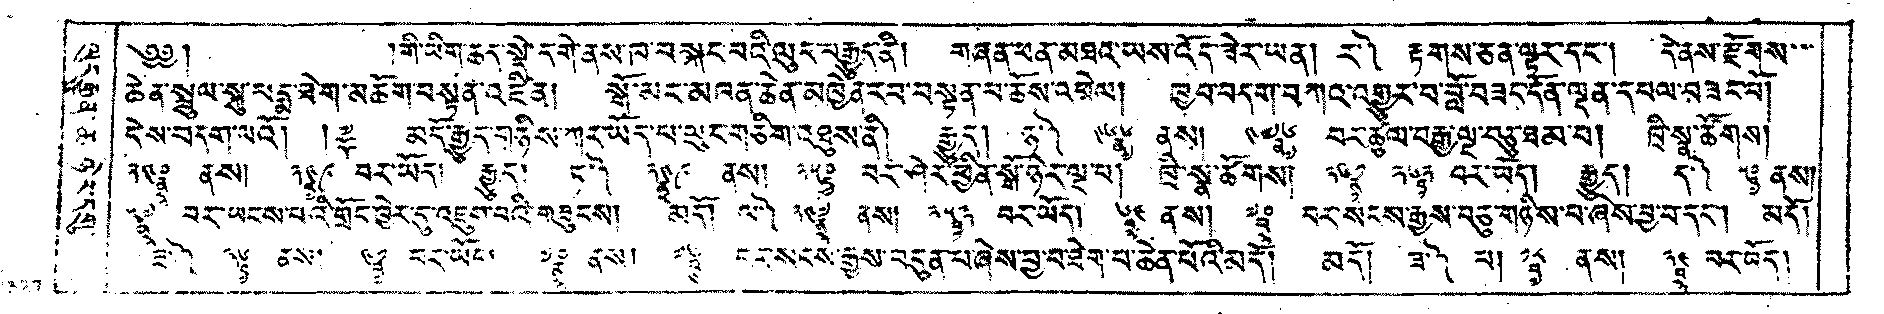༄༅། །གི་ཡིག་ཆད་སྡེ་དགེ་ནས་ཁ་བསྐང་བའི་ལུང་བརྒྱུད་ནི། གཞན་ཕན་མཐའ་ཡས་འོད་ཟེར་ཡན། ར྄་རྟགས་ཅན་ལྟར་དང་། དེ་ནས་རྫོགས་
ཆེན་སྤྲུལ་སྐུ་པདམ་ཐེག་མཆོག་བསྟན་འཛིན། སྒོ་མང་མཁན་ཆེན་མཁྱེན་རབ་བསྟན་པ་ཆོས་འཕེལ། ཁྱབ་བདག་བཀའ་འགྱུར་བ་བློ་བཟང་དོན་ལྡན་དཔལ་བཟང་པོ།
དེས་བདག་ལའོ། །༈ མདོ་རྒྱུད་གཉིས་ཀར་ཡོད་པ་ལུང་གཅིག་འཐུས་ནི། རྒྱུད། ཉ྄ ༤༦༦་ན ༧་ནས། ༤༧༦་ན ༧་བར་ཚུལ་བརྒྱ་ལྔ་བཅུ་ཐམ་པ། ཁྲི་སྣ་ཚོགས།
༢༤༠་ན ༢་ནས། ༢༤༩་བ ༧་བར་ཡོད། རྒྱུད། ཏ྄ ༢༤༩་ན ༥་ནས། ༢༥༠་བ ༡་བར་ཤེར་ཕྱིན་སྒོ་ཉེར་ལྔ་པ། ཁྲི་སྣ་ཚོགས། ༢༦༡་ན ༡ ༢༦༢་བ ༡་བར་ཡོད། རྒྱུད། ད྄ ༥༠་བ ༧་ནས།
༥༧་ན ༣་བར་ཡངས་པའི་གྲོང་ཁྱེར་དུ་འཇུག་པའི་གཟུངས། མདོ། ལ྄ ༢༤༧་ན ༣་ནས། ༢༥༣་བ ༡་བར་ཡོད། ༦༤་བ ༢་ནས། ༧༠་བ ༣་བར་སངས་རྒྱས་བཅུ་གཉིས་པ་ཞེས་བྱ་བ་དང་། མདོ།
ཟ྄ ༣༦་བ ༧་ནས། ༤༡་བ ༧་བར་ཡོད། ༧༠་ན ༣་ནས། ༧༦་བ ༤་བར་སངས་རྒྱས་བདུན་པ་ཞེས་བྱ་བ་ཐེག་པ་ཆེན་པོའི་མདོ། མདོ། ཟ྄་པ། ༡༨་བ ༧་ནས། ༢༤་བ ༣་བར་ཡོད།